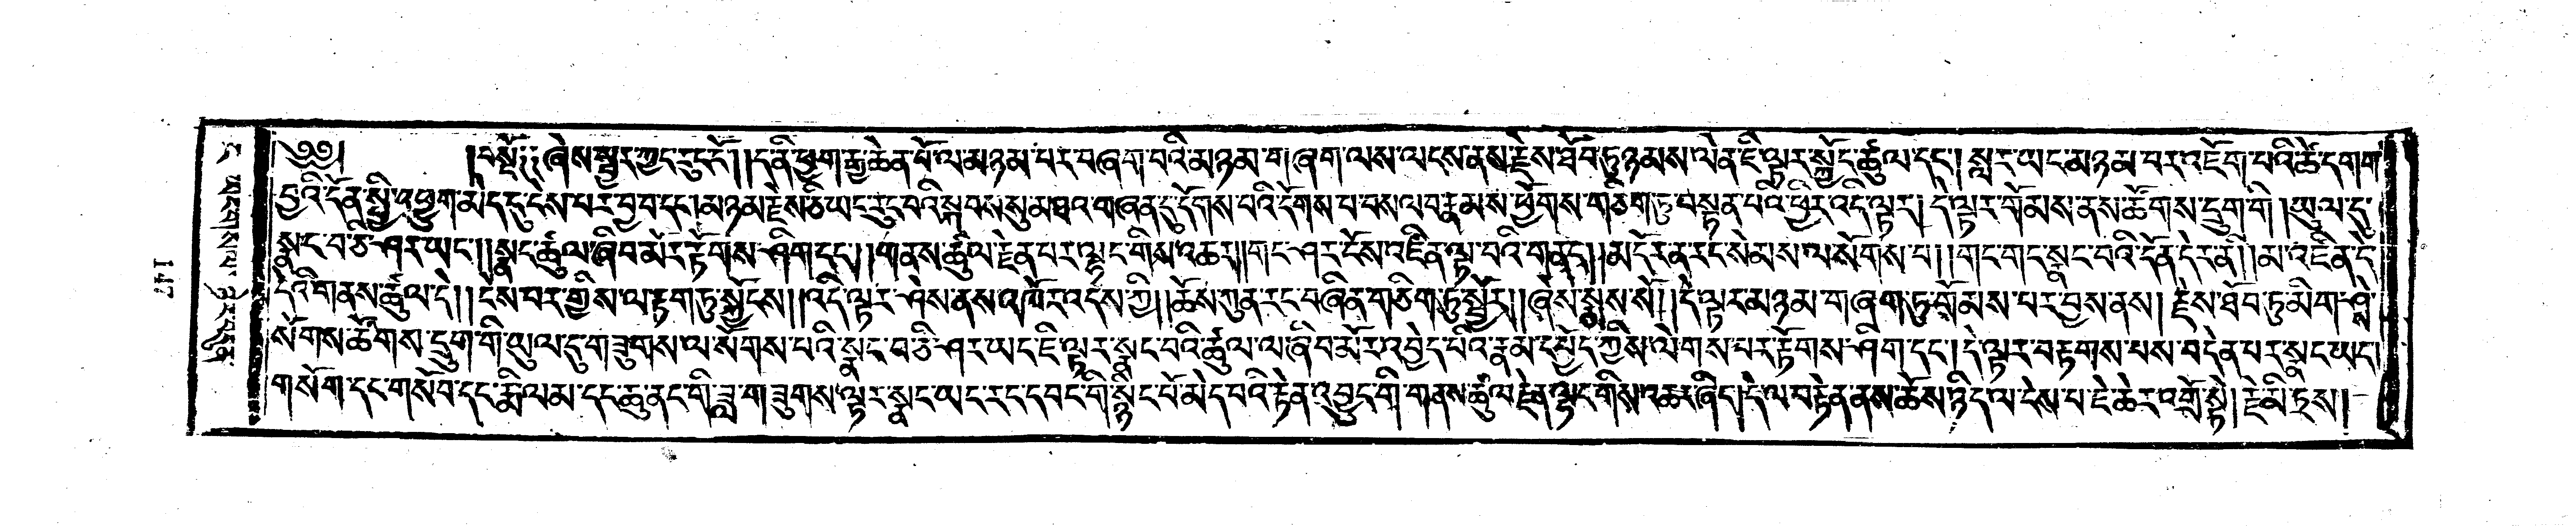༄༅། །བསྔོ། །ཞེས་སྤྱད་ཀྱང་རུང་ངོ། །ད་ནི་ཕྱག་རྒྱ་ཆེན་པོ་ལ་མཉམ་པར་བཞག་པའི་མཉམ་གཞག་ལས་ལངས་ནས་རྗེས་ཐོབ་ཏུ་ཉམས་ལེན་ཇི་ལྟར་སྐྱོང་ཚུལ་དང་། སླར་ཡང་མཉམ་པར་འཇོག་པའི་ཚེ་དགག་
བྱའི་དོན་སྤྱི་འཕྱུག་མེད་དུ་ངེས་པར་བྱ་བ་དང་། མཉམ་རྗེས་ཅི་ཡང་རུང་བའི་སྐབས་སུ་མཐའ་གཞན་དུ་དགོས་པའི་དགོས་པ་བསལ་བ་རྣམས་ཕྱོགས་གཅིག་ཏུ་བསྟན་པའི་ཕྱིར་འདི་ལྟར། དེ་ལྟར་གོམས་ནས་ཚོགས་དྲུག་གི །ཡུལ་དུ་
སྣང་བ་ཅི་ཤར་ཡང་། །སྣང་ཚུལ་ཞིབ་མོར་རྟོགས་ཤིག་དང་། །གནས་ཚུལ་རྗེན་པར་ལྷང་གིས་འཆར། །གང་ཤར་ངོས་འཛིན་ལྟ་བའི་གནད། །མདོར་ན་རང་སེམས་ལ་སོགས་པ། །གང་གང་སྣང་བའི་དོན་དེར་ནི། །མ་འཛིན་དེ་
དེའི་གནས་ཚུལ་དེ། །ངེས་པར་གྱིས་ལ་རྟག་ཏུ་སྐྱོབས། །འདི་ལྟར་ཤེས་ནས་འཁོར་འདས་ཀྱི། །ཆོས་ཀུན་རང་བཞིན་གཅིག་ཏུ་སྦྱོར། །ཞེས་སྨྲས་སོ། །དེ་ལྟར་མཉམ་གཞག་ཏུ་གོམས་པར་བྱས་ནས། རྗེས་ཐོབ་ཏུ་མིག་ཤེས་
སོགས་ཚོགས་དྲུག་གི་ཡུལ་དུ་གཟུགས་ལ་སོགས་པའི་སྣང་བ་ཅི་ཤར་ཡང་ཇི་ལྟར་སྣང་བའི་ཚུལ་ལ་ཞིབ་མོར་འབྱེད་པའི་རྣམ་དཔྱོད་ཀྱིས་ལེགས་པར་རྟོགས་ཤིག་དང་། དེ་ལྟར་བརྟགས་པས་བདེན་པར་སྣང་ཡང་
གསོག་དང་གསོ་བ་དང་རྨི་ལམ་དང་ཆུ་ནང་གི་ཟླ་གཟུགས་ལྟར་སྣང་ཡང་རང་དབང་གི་སྙིང་པོ་མེད་པའི་རྟེན་འབྱུང་གི་གནས་ཚུལ་རྗེན་ལྷང་གིས་འཆར་ཞིང་། དེ་ལ་བརྟེན་ནས་ཆོས་ཉིད་ལ་ངེས་པ་ཇེ་ཆེར་འགྲོ་སྟེ། རྗེ་མི་ཏྲས།